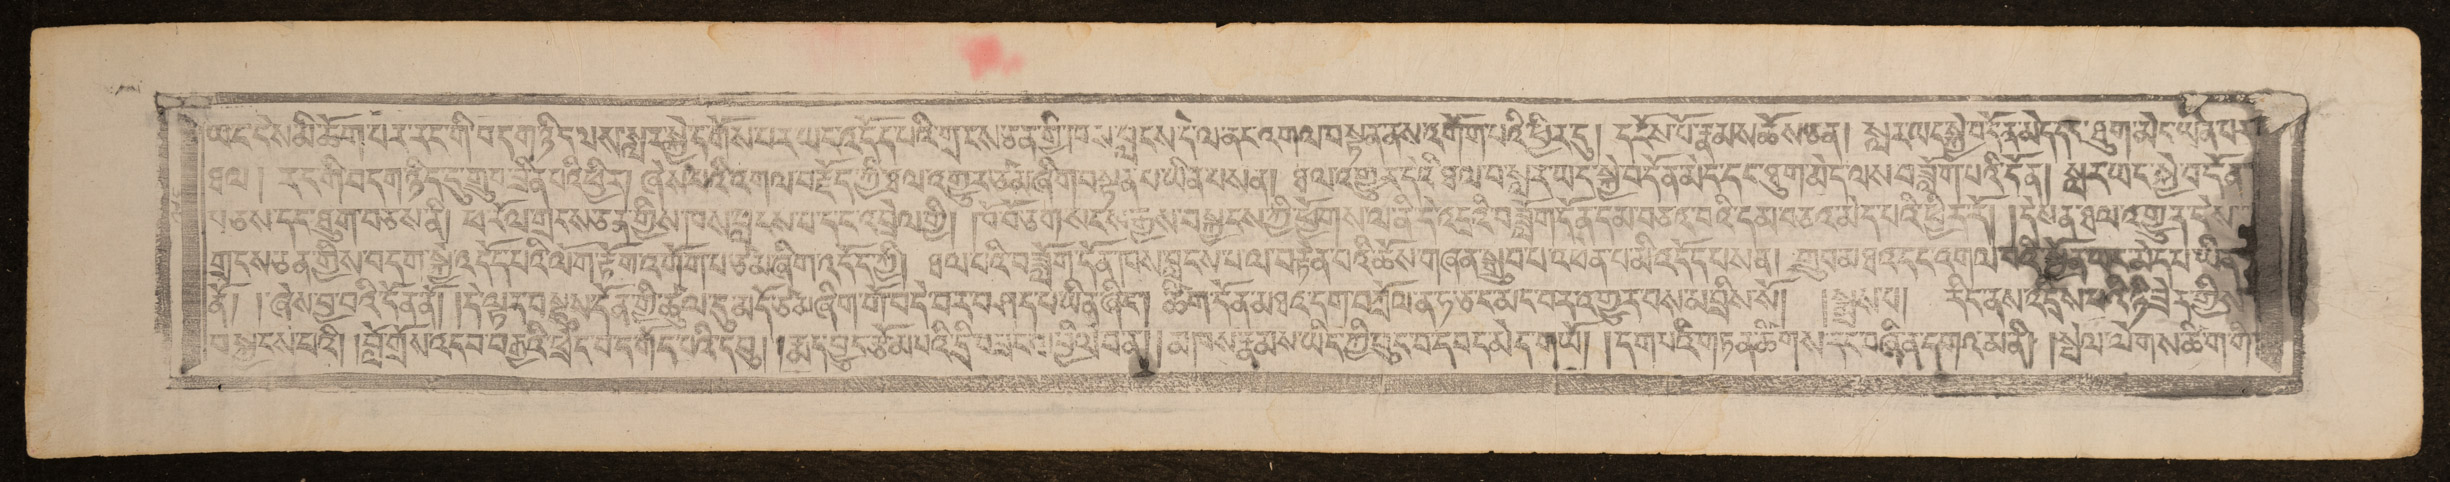ཡང་དེས་མི་ཆོག་པར་རང་གི་བདག་ཉིད་ལས་སླར་སྐྱེ་དགོས་པར་ཡང་འདོད་པའི་གྲངས་ཅན་གྱི་ཁས་བླངས་དེ་ལ་ནང་འགལ་བསྟན་ནས་འགོག་པའི་ཕྱིར་དུ། དངོས་པོ་རྣམས་ཆོས་ཅན། སླར་ཡང་སྐྱེ་བ་དོན་མེད་དང་ཐུག་མེད་ཡིན་པར་
ཐལ༑ རང་གི་བདག་ཉིད་དུ་གྲུབ་ཟིན་པའི་ཕྱིར། ཞེས་པའི་འགལ་བརྗོད་ཀྱི་ཐལ་འགྱུར་ཙམ་ཞིག་བསྟན་པ་ཡིན་པས་ན། ཐལ་འགྱུར་དེའི་ཐལ་བ་སླར་ཡང་སྐྱེ་བ་དོན་མེད་དང་ཐུག་མེད་ལས་བཟློག་པའི་དོན། སླར་ཡང་སྐྱེ་བ་དོན་
བཅས་དང་ཐུག་བཅས་ནི། ཕ་རོལ་གྲངས་ཅན་གྱིས་ཁས་བླངས་པ་དང་འབྲེལ་གྱི། ཁོ་བོ་ཅག་སངས་རྒྱས་བསྐྱངས་ཀྱི་ཕྱོགས་ལ་ནི་དེ་འདྲའི་བཟློག་དོན་དམ་བཅའ་བའི་དམ་བཅའ་མེད་པའི་ཕྱིར་རོ། །དེས་ན་ཐལ་འགྱུར་ངེས་
གྲངས་ཅན་གྱིས་བདག་སྐྱེ་འདོད་པའི་ལོག་རྟོག་འགོག་པ་ཙམ་ཞིག་འདོད་ཀྱི། ཐལ་བའི་བཟློག་དོན་ཁས་བླངས་པ་ལ་བརྟེན་པའི་ཆོས་གཞན་སྒྲུབ་པ་འཕེན་པ་མི་འདོད་པས་ན། གྲུབ་མཐའ་དང་འགལ་བའི་སྐྱོན་ཡང་མེད་པ་ཡིན་
ནོ༑ ༑ཞེས་བྱ་བའི་དོན་ནོ། །དེ་ལྟར་བསྡུས་དོན་གྱི་ཚུལ་དུ་མདོ་ཙམ་ཞིག་གོ་བདེ་བར་བཤད་པ་ཡིན་ཞིང་། ཚིག་དོན་མཐའ་དག་བཀྲོལ་ན་ཧ་ཅང་མང་བར་འགྱུར་བས་མ་བྲིས་སོ། །སྨྲས་པ། རིང་ནས་འདྲིས་པའི་ཉི་ཟེར་གྱིས་
བསྐྱངས་པའི། །བློ་གྲོས་འདབ་བརྒྱའི་ཕྲེང་བ་དགོད་པའི་དབུ། །རྨད་བྱུང་རྩོམ་པའི་དྲི་བཟང་འཁྱིལ་བ་ན། །མཁས་རྣམས་ཡིད་ཀྱི་བུང་བ་དབང་མེད་གཡོ། །དག་པའི་གཏན་ཚིགས་རང་བཞིན་དགའ་མ་ནི། །སྤེལ་ལེགས་ཚིག་གི་